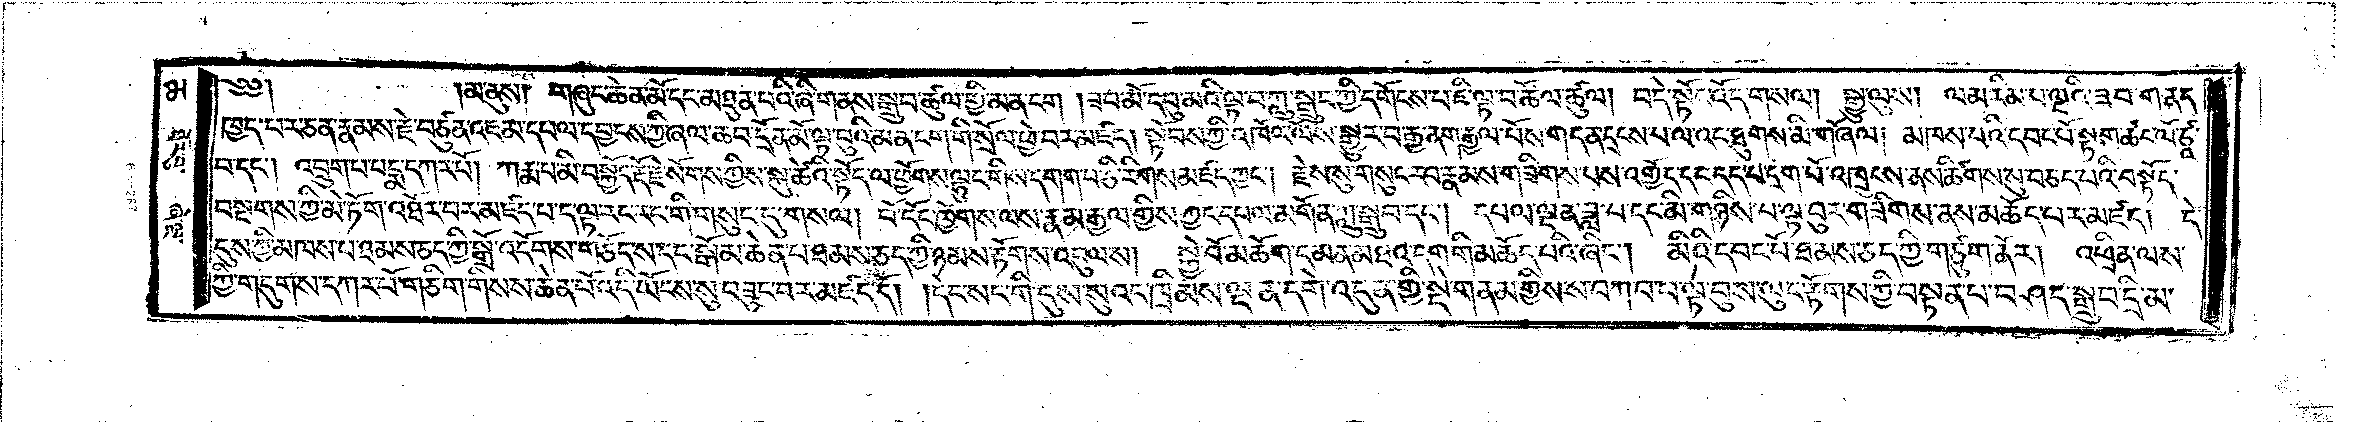༄༅། །མ་ནུས། གཞུང་ཆེན་མོ་དང་མཐུན་པའི་ཞི་གནས་སྒྲུབ་ཚུལ་གྱི་མན་ངག །ཟབ་མོ་དབུ་མའི་ལྟ་བ་ཀླུ་སྒྲུབ་ཀྱི་དགོངས་པ་ཇི་ལྟ་བ་ཚོལ་ཚུལ། བདེ་སྟོང་འོད་གསལ། སྒྱུ་ལུས། ལམ་རིམ་པ་ལྔའི་ཟབ་གནད་
ཁྱད་པར་ཅན་རྣམས་རྗེ་བཙུན་འཇམ་དཔལ་དབྱངས་ཀྱི་ཞལ་ཆབ་དྲོན་མོ་ལྟ་བུའི་མན་ངག་གི་སྲོལ་ཕྱེ་བར་མཛད། སྟོབས་ཀྱི་འཁོར་ལོས་སྒྱུར་བ་རྒྱ་ནག་རྒྱལ་པོས་གདན་འདྲངས་པ་ལའང་ཐུགས་མི་གཞོལ། མཁས་པའི་དབང་པོ་སྟག་ཚང་ལོ་ཙཱ་
བ་དང་། འབྲུག་པ་པདམ་དཀར་པོ། ཀརྨ་པ་མི་བསྐྱོད་རྡོ་རྗེ་སོགས་ཀྱིས་སྐུ་ཚེའི་སྟོད་ལ་ཕྱོགས་ལྷུང་གིས་དགག་པ་ཅི་རིགས་མཛད་ཀྱང་། རྗེས་སུ་གསུང་རབ་རྣམས་གཟིགས་པས་འགྱོད་དང་དད་པ་དྲག་པོ་འཁྲུངས་ནས་ཚིགས་སུ་བཅད་པའི་བསྟོད་
བསྔགས་ཀྱི་མེ་ཏོག་འཐོར་བར་མཛད་པ་ད་ལྟ་རང་རང་གི་གསུང་དུ་གསལ། པོ་དོང་ཁྱོགས་ལས་རྣམ་རྒྱལ་གྱིས་ཀྱང་དཔལ་མདོན་གླུ་སྒྲུབ་དང་། དཔལ་ལྡན་བླ་པ་དང་མི་གཉིས་པ་ལྟ་བུར་གཟིགས་ནས་མཆོད་པར་མཛད། དེ་
དུས་ཀྱི་མཁས་པ་ཐམས་ཅད་ཀྱི་སྒྲོ་འདོགས་གཅོད་ས་དང་སྒོམ་ཆེན་པ་ཐམས་ཅད་ཀྱི་ཉམས་རྟོགས་འབུལ་ས། སྐྱེ་བོ་མཆོག་དམན་མཐའ་དག་གི་མཆོད་པའི་ཞིང་། མིའི་དབང་པོ་ཐམས་ཅད་ཀྱི་གཙུག་ནོར། འཕྲིན་ལས་
ཀྱི་གདུགས་དཀར་པོ་གཅིག་གིས་ས་ཆེན་པོ་འདི་ཡོངས་སུ་བཟུང་བར་མཛད་དོ། །དེང་སང་གི་དུས་སུའང་ཁྲིམས་ལྔན་དགེ་འདུན་གྱི་སྡེ་གནམ་གྱིས་ས་བཀབ་པ་ལྟ་བུས་ལུང་རྟོགས་ཀྱི་བསྟན་པ་བཤད་སྒྲུབ་དྲི་མ་